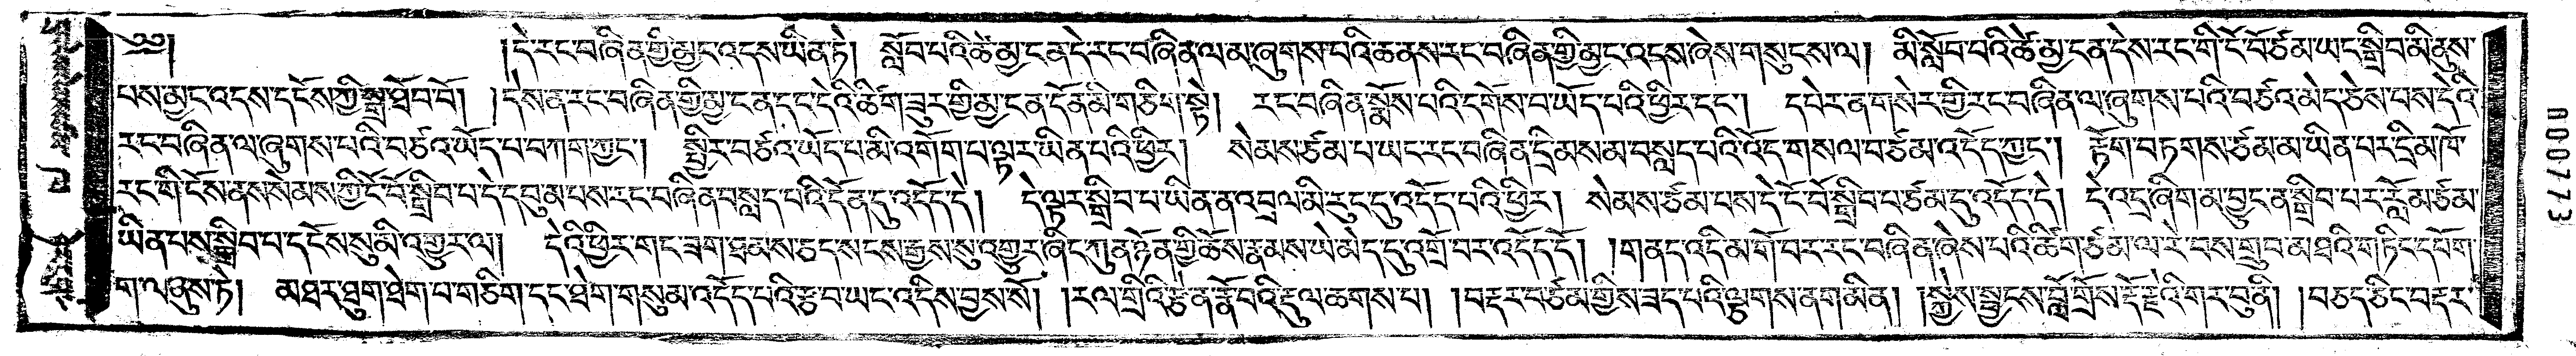༄༅། །དེ་རང་བཞིན་གྱི་མྱང་འདས་ཡིན་ཏེ། སློབ་པའི་ཚེ་མྱ་ངན་དེ་རང་བཞིན་ལ་མ་ཞུགས་པའི་ཆ་ནས་རང་བཞིན་གྱི་མྱང་འདས་ཞེས་གསུངས་ལ། མི་སློབ་པའི་ཚེ་མྱ་ངན་དེས་རང་གི་ངོ་བོ་ཙམ་ཡང་སྒྲིབ་མི་ནུས་
པས་མྱང་འདས་དངོས་ཀྱི་སྒྲ་ཐོབ་བོ། །དེས་ན་རང་བཞིན་གྱི་མྱ་ངན་དང་དེའི་ཚིག་ཟུར་གྱི་མྱ་ངན་དོན་མི་གཅིག་སྟེ། རང་བཞིན་སྨོས་པའི་དགོས་པ་ཡོད་པའི་ཕྱིར་དང་། དཔེར་ན་གསེར་?་གྱི་རང་བཞིན་ལ་ཞུགས་པའི་བཙའ་མེད་ཅེས་པས་དེའི་
རང་བཞིན་ལ་ཞུགས་པའི་བཙའ་ཡོད་པ་བཀག་ཀྱང་། སྤྱིར་བཙའ་ཡོད་པ་མི་འགོག་པ་ལྟར་ཡིན་པའི་ཕྱིར། སེམས་ཙམ་པ་ཡང་རང་བཞིན་དྲི་མས་མ་བསླད་པའི་འོད་གསལ་བ་ཙམ་འདོད་ཀྱང་། རྟོག་བཏགས་ཙམ་མ་ཡིན་པར་དྲི་མ་ཁོ་
རང་གི་ངོས་ནས་སེམས་ཀྱི་ངོ་བོ་སྒྲིབ་པ་དེ་དབུ་མ་པས་རང་བཞིན་བསླད་པའི་དོན་དུ་འདོད་དེ། དེ་ལྟར་སྒྲིབ་པ་ཡིན་ན་འབྲལ་མི་རུང་དུ་འདོད་པའི་ཕྱིར། སེམས་ཙམ་པས་དེ་ངོ་བོ་སྒྲིབ་པ་ཙམ་དུ་འདོད་དེ། དེ་འདྲ་ཞིག་མ་བྱུང་ན་སྒྲིབ་པར་རློམ་ཙམ་
ཡིན་པས་སྒྲིབ་པ་དངོས་སུ་མི་འགྱུར་ལ། དེའི་ཕྱིར་གང་ཟག་ཐམས་ཅད་སངས་རྒྱས་སུ་འགྱུར་ཞིང་ཀུན་ཉོན་གྱི་ཆོས་རྣམས་ཡེ་མེད་དུ་འགྲོ་བར་འདོད་དོ། །གནད་འདི་མ་གོ་བར་རང་བཞིན་ཞེས་པའི་ཚིག་ཙམ་ལ་རེ་བས་གྲུབ་མཐའི་གཏིང་དཔོག་
ག་ལ་ནུས་ཏེ། མཐར་ཐུག་ཐེག་པ་གཅིག་དང་ཐེག་གསུམ་འདོད་པའི་རྩ་བ་ཡང་འདིས་བྱས་སོ། །རལ་གྲིའི་རྩེ་ན་རྣོ་བའི་རྡུལ་ཆགས་པ། །བརྡར་བ་ཙམ་གྱིས་ཟད་པའི་ལྕགས་ནག་མིན། །སྐྱེས་སྦྱངས་བློ་གྲོས་རྡོ་རྗེའི་གར་བུ་ནི། །བཅད་ཅིང་བརྡར་